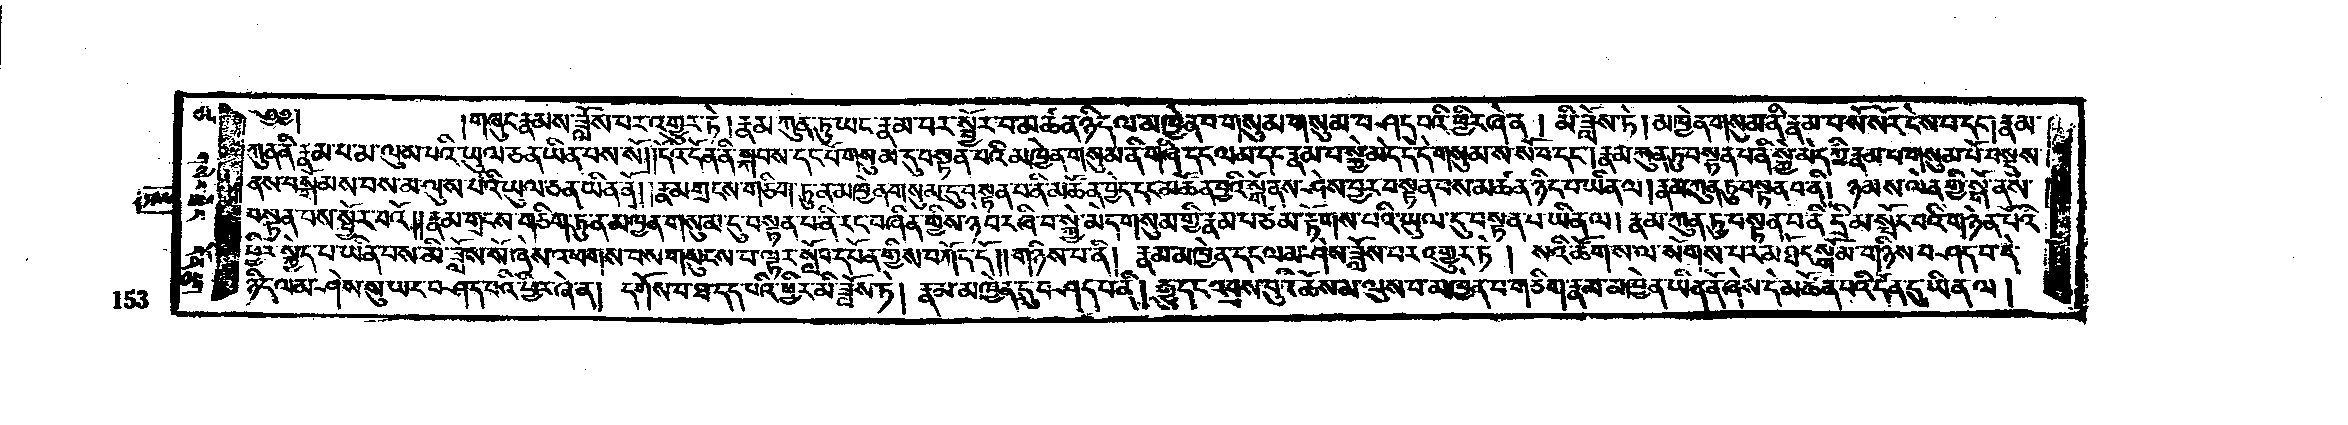༄༅། །གཞུང་རྣམས་ཟློས་པར་འགྱུར་ཏེ། རྣམ་ཀུན་ཏུ་ཡང་རྣམ་པར་སྦྱོར་བ་མཚན་ཉིད་ལ་མཁྱེན་པ་གསུམ་གསུམ་བཤད་པའི་ཕྱིར་ཞེ་ན། མི་ཟློས་ཏེ། མཁྱེན་གསུམ་ནི་རྣམ་པ་སོ་སོར་ངེས་པ་དང་། རྣམ་
ཀུན་ནི་རྣམ་པ་མ་ལུས་པའི་ཡུལ་ཅན་ཡིན་པས་སོ། །དེའི་དོན་ནི་སྐབས་དང་པོ་གསུམ་དུ་བསྟན་པའི་མཁྱེན་གསུམ་ནི་གཞི་དང་ལམ་དང་རྣམ་པ་སྐྱེ་མེད་དེ་དེ་གསུམ་སོ་སོ་བ་དང་། རྣམ་ཀུན་ཏུ་བསྟན་པ་ནི་སྐྱེ་མེད་ཀྱི་རྣམ་པ་གསུམ་པོ་བསྡུས་
ནས་བསྒོམས་པས་མ་ལུས་པའི་ཡུལ་ཅན་ཡིན་ནོ། །རྣམ་གྲངས་གཅིག་ཏུ་ན་མཁྱེན་གསུམ་དུ་བསྟན་པ་ནི་མཚོན་བྱེད་དང་མཚོན་བྱའི་སྒོ་ནས་ཤེས་བྱར་བསྟན་པས་མཚན་ཉིད་པ་ཡིན་ལ། རྣམ་ཀུན་ཏུ་བསྟན་པ་ནི། ཉམས་ལེན་གྱི་སྒོ་ནས་
བསྟན་པས་སྦྱོར་བའོ། །རྣམ་གྲངས་གཅིག་ཏུ་ན་མཁྱེན་གསུམ་དུ་བསྟན་པ་ནི་རང་བཞིན་གྱིས་ཉེ་བར་ཞི་བ་སྐྱེ་མེད་གསུམ་གྱི་རྣམ་པ་ཙམ་རྟོགས་པའི་ཡུལ་དུ་བསྟན་པ་ཡིན་ལ། རྣམ་ཀུན་ཏུ་བསྟན་པ་ནི་དྲི་མ་སྤོང་བའི་གཉེན་པོའི་
ཕྱིར་སྐྱེད་པ་ཡིན་པས་མི་ཟློས་སོ་ཞེས་འཕགས་པས་གསུངས་པ་ལྟར་སློབ་དཔོན་གྱིས་བཀོད་དོ། །གཉིས་པ་ནི། རྣམ་མཁྱེན་དང་ལམ་ཤེས་ཟློས་པར་འགྱུར་ཏེ། སའི་ཚོགས་ལ་སོགས་པར་མཐོང་སྒོམ་གཉིས་བཤད་པ་དེ་
ཉིད་ལམ་ཤེས་སུ་ཡང་བཤད་པའི་ཕྱིར་ཞེ་ན། དགོས་པ་ཐ་དད་པའི་ཕྱིར་མི་ཟློས་ཏེ། རྣམ་མཁྱེན་དུ་བཤད་པ་ནི། རྒྱུ་དང་འབྲས་བུའི་ཆོས་མ་ལུས་པ་མཁྱེན་པ་གཅིག་རྣམ་མཁྱེན་ཡིན་ནོ་ཞེས་དེ་མཚོན་པའི་དོན་དུ་ཡིན་ལ།